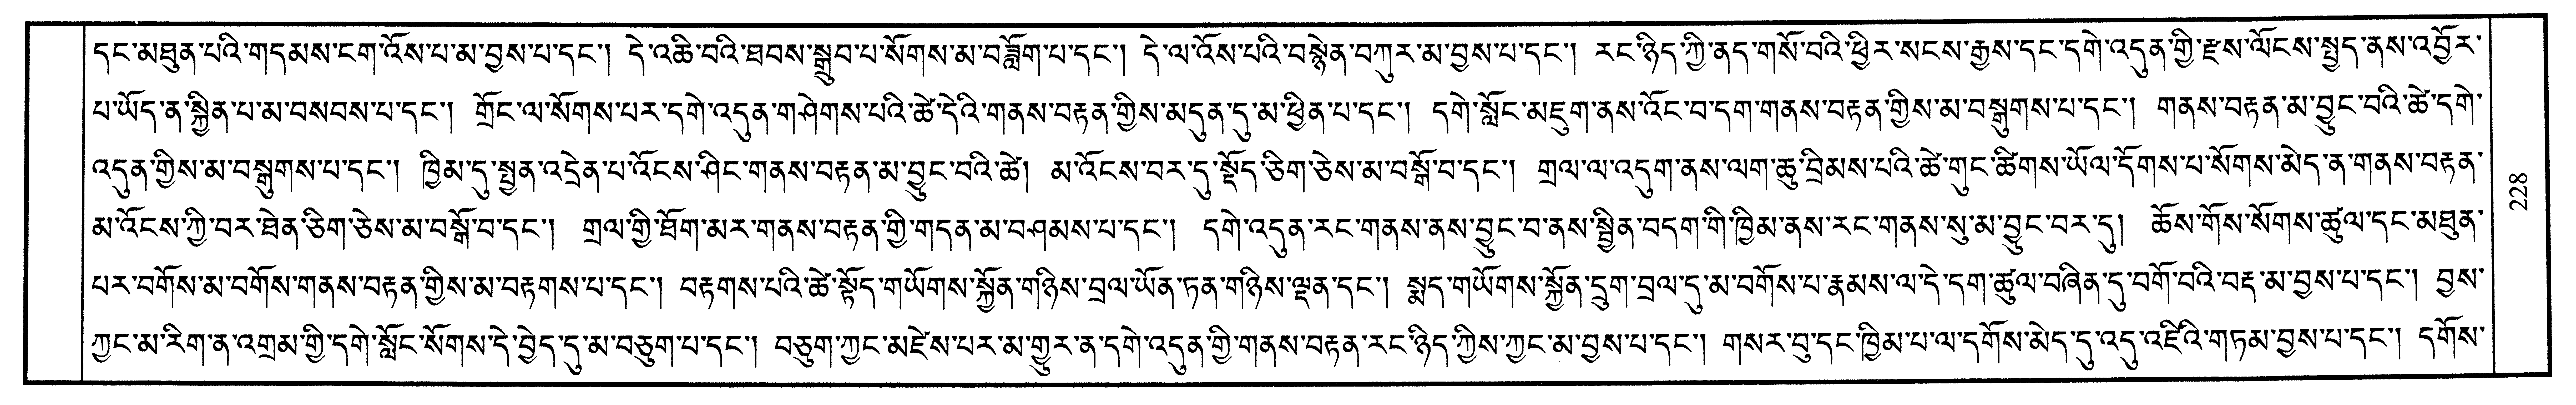དང་མཐུན་པའི་གདམས་ངག་འོས་པ་མ་བྱས་པ་དང་། དེ་འཆི་བའི་ཐབས་སྒྲུབ་པ་སོགས་མ་བཟློག་པ་དང་། དེ་ལ་འོས་པའི་བསྙེན་བཀུར་མ་བྱས་པ་དང་། རང་ཉིད་ཀྱི་ནད་གསོ་བའི་ཕྱིར་སངས་རྒྱས་དང་དགེ་འདུན་གྱི་རྫས་ལོངས་སྤྱད་ནས་འབྱོར་
པ་ཡོད་ན་སྐྱིན་པ་མ་བསབས་པ་དང་། གྲོང་ལ་སོགས་པར་དགེ་འདུན་གཤེགས་པའི་ཚེ་དེའི་གནས་བརྟན་གྱིས་མདུན་དུ་མ་ཕྱིན་པ་དང་། དགེ་སློང་མཇུག་ནས་འོང་བ་དག་གནས་བརྟན་གྱིས་མ་བསྒུགས་པ་དང་། གནས་བརྟན་མ་བྱུང་བའི་ཚེ་དགེ་
འདུན་གྱིས་མ་བསྒུགས་པ་དང་། ཁྱིམ་དུ་སྤྱན་འདྲེན་པ་འོངས་ཤིང་གནས་བརྟན་མ་བྱུང་བའི་ཚེ། མ་འོངས་བར་དུ་སྡོད་ཅིག་ཅེས་མ་བསྒོ་བ་དང་། གྲལ་ལ་འདུག་ནས་ལག་ཆུ་བྲིམས་པའི་ཚེ་གུང་ཚིགས་ཡོལ་དོགས་པ་སོགས་མེད་ན་གནས་བརྟན་
མ་འོངས་ཀྱི་བར་ཐེན་ཅིག་ཅེས་མ་བསྒོ་བ་དང་། གྲལ་གྱི་ཐོག་མར་གནས་བརྟན་གྱི་གདན་མ་བཤམས་པ་དང་། དགེ་འདུན་རང་གནས་ནས་བྱུང་བ་ནས་སྦྱིན་བདག་གི་ཁྱིམ་ནས་རང་གནས་སུ་མ་བྱུང་བར་དུ། ཆོས་གོས་སོགས་ཚུལ་དང་མཐུན་
པར་བགོས་མ་བགོས་གནས་བརྟན་གྱིས་མ་བརྟགས་པ་དང་། བརྟགས་པའི་ཚེ་སྟོད་གཡོགས་སྐྱོན་གཉིས་བྲལ་ཡོན་ཏན་གཉིས་ལྡན་དང་། སྨད་གཡོགས་སྐྱོན་དྲུག་བྲལ་དུ་མ་བགོས་པ་རྣམས་ལ་དེ་དག་ཚུལ་བཞིན་དུ་བགོ་བའི་བརྡ་མ་བྱས་པ་དང་། བྱས་
ཀྱང་མ་རིག་ན་འགྲམ་གྱི་དགེ་སློང་སོགས་དེ་བྱེད་དུ་མ་བཅུག་པ་དང་། བཅུག་ཀྱང་མཛེས་པར་མ་གྱུར་ན་དགེ་འདུན་གྱི་གནས་བརྟན་རང་ཉིད་ཀྱིས་ཀྱང་མ་བྱས་པ་དང་། གསར་བུ་དང་ཁྱིམ་པ་ལ་དགོས་མེད་དུ་འདུ་འཛིའི་གཏམ་བྱས་པ་དང་། དགོས་